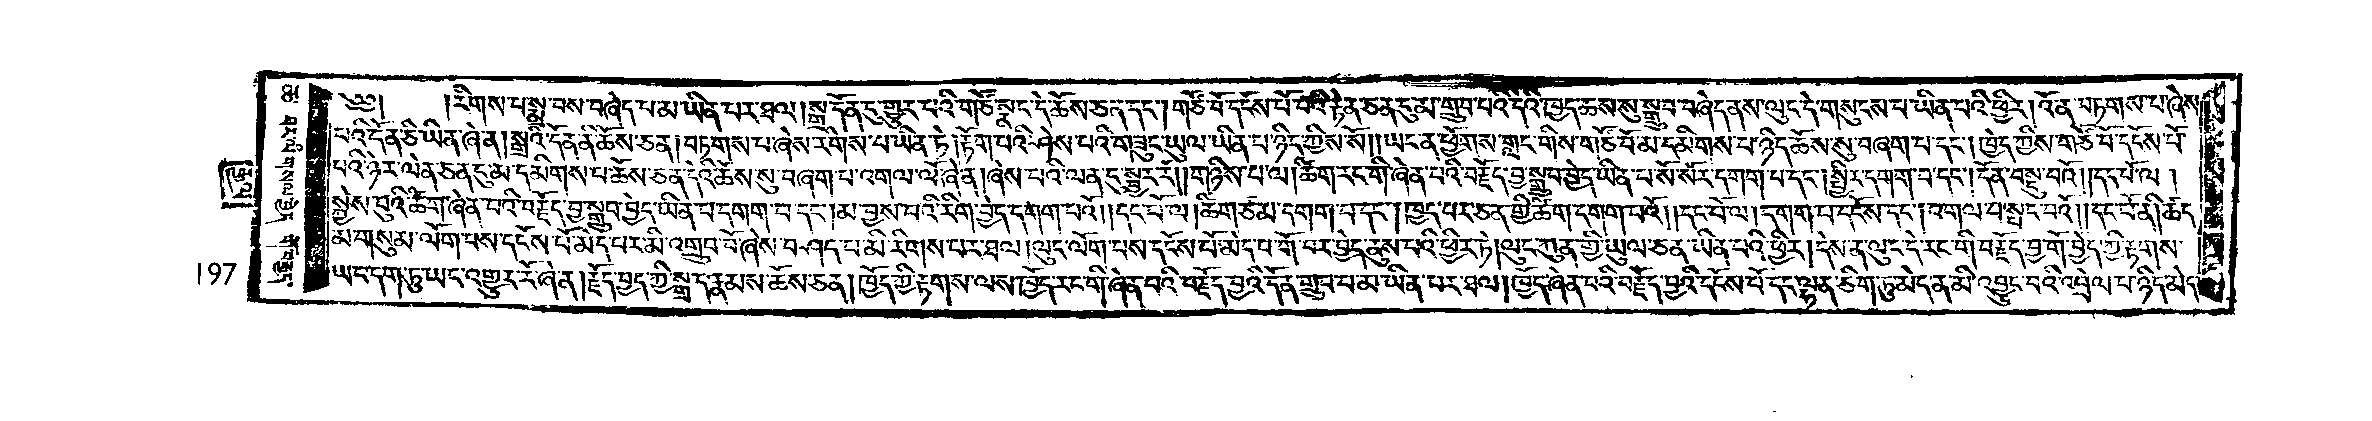༄༅། །རིགས་པ་སྨྲ་བས་བཞེད་པ་མ་ཡིན་པར་ཐལ། སྒྲ་དོན་དུ་གྱུར་པའི་གཙོ་སྣང་དེ་ཆོས་ཅན་དང་། གཙོ་བོ་དངོས་པོ་བའི་རྟེན་ཅན་དུ་མ་གྲུབ་པའི་དེའི་ཁྱད་ཆོས་སུ་སྒྲུབ་བཞེད་ནས་ལུང་དེ་གསུངས་པ་ཡིན་པའི་ཕྱིར། འོ་ན་བཏགས་པ་ཞེས་
པའི་དོན་ཅི་ཡིན་ཞེ་ན། སྒྲའི་དོན་ནི་ཆོས་ཅན། བཏགས་པ་ཞེས་རིགས་པ་ཡིན་ཏེ། རྟོག་པའི་ཤེས་པའི་གཟུང་ཡུལ་ཡིན་པ་ཉིད་ཀྱིས་སོ། །ཡང་ན་ཕྱོགས་གླང་གིས་གཙོ་བོ་མ་དམིགས་པ་ཉིད་ཆོས་སུ་བཞག་པ་དང་། ཁྱེད་ཀྱིས་གཙོ་བོ་དངོས་པོ་
པའི་ཉེར་ལེན་ཅན་དུ་མ་དམིགས་པ་ཆོས་ཅན་དེའི་ཆོས་སུ་བཞག་པ་འགལ་ལོ་ཞེ་ན། ཞེས་པའི་ལན་དུ་སྦྱར་རོ། །གཉིས་པ་ལ། ཚིག་རང་གི་ཞེན་པའི་བརྗོད་བྱ་སྒྲུབ་བྱེད་ཡིན་པ་སོ་སོར་དགག་པ་དང་། སྤྱིར་དགག་པ་དང་། དོན་བསྡུ་བའོ། །དང་པོ་ལ།
སྐྱེས་བུའི་ཚིག་ཞེན་པའི་བརྗོད་བྱ་སྒྲུབ་བྱེད་ཡིན་པ་དགག་པ་དང་། མ་བྱས་པའི་རིག་བྱེད་དགག་པའོ། །དང་པོ་ལ། ཚིག་ཙམ་དགག་པ་དང་། ཁྱད་པར་ཅན་གྱི་ཚིག་དགག་པའོ། །དང་པོ་ལ། དགག་པ་དངོས་དང་། འགལ་བ་སྤང་བའོ། །དང་པོ་ནི། ཚད་
མ་གསུམ་ལོག་པས་དངོས་པོ་མེད་པར་མི་འགྲུབ་བོ་ཞེས་བཤད་པ་མི་རིགས་པར་ཐལ། ལུང་ལོག་པས་དངོས་པོ་མེད་པ་གོ་བར་བྱེད་ནུས་པའི་ཕྱིར་ཏེ། ལུང་ཀུན་གྱི་ཡུལ་ཅན་ཡིན་པའི་ཕྱིར། དེས་ན་ལུང་དེ་རང་གི་བརྗོད་བྱ་གོ་བྱེད་ཀྱི་རྟགས་
ཡང་དག་ཏུ་ཡང་འགྱུར་རོ་ཞེ་ན་།རྗོད་བྱེད་ཀྱི་སྒྲ་དེ་རྣམས་ཆོས་ཅན། ཁྱོད་ཀྱི་རྟགས་ལས་ཁྱོད་རང་གི་ཞེན་པའི་བརྗོད་བྱའི་དོན་གྲུབ་པ་མ་ཡིན་པར་ཐལ། ཁྱོད་ཞེན་པའི་བརྗོད་བྱའི་དངོས་པོ་དང་ལྷན་ཅིག་ཏུ་མེད་ན་མི་འབྱུང་བའི་འབྲེལ་པ་ཉིད་མེད་